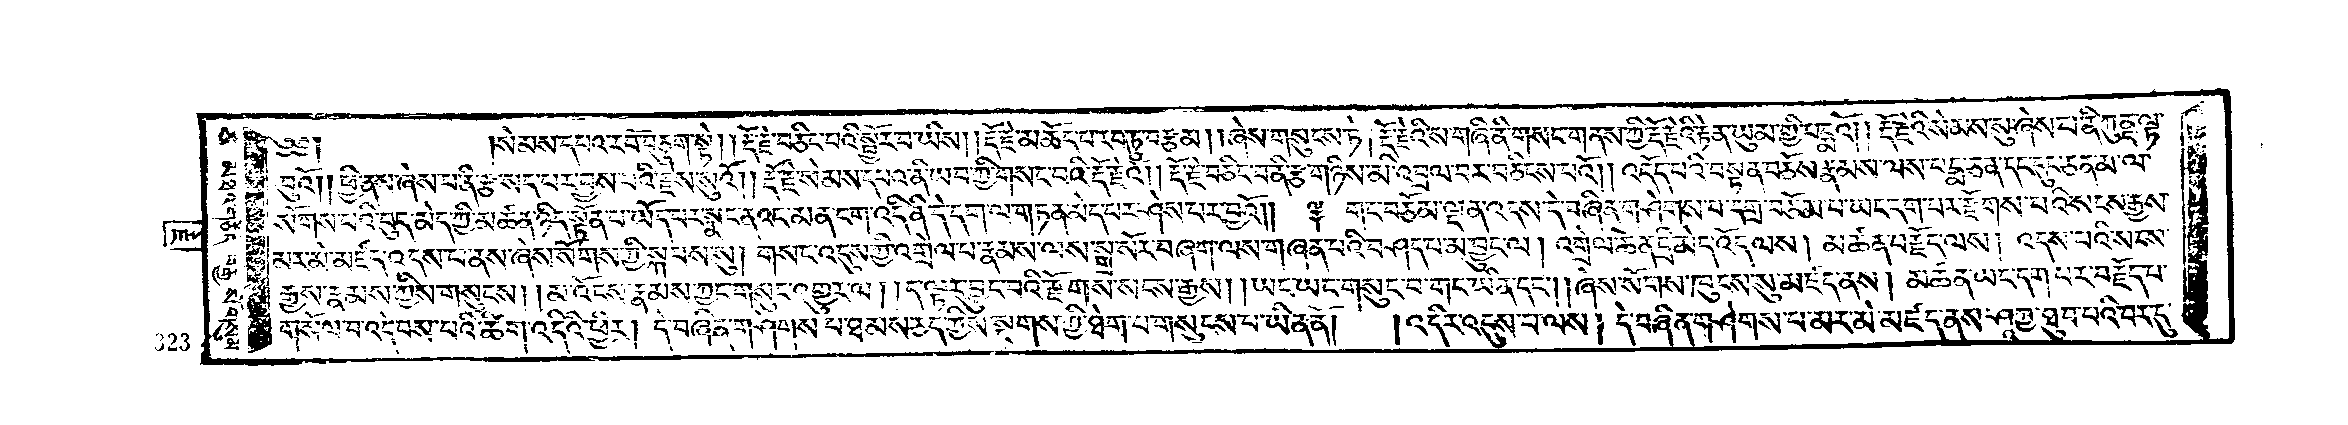༄༅། །སེམས་དཔའ་རབ་བཅུག་སྟེ། །རྡོ་རྗེ་བཅིང་བའི་སྦྱོར་བ་ཡིས། །རྡོ་རྗེ་མཆོད་པ་རབ་ཏུ་བརྩམ། །ཞེས་གསུངས་ཏེ། རྡོ་རྗེའི་ས་གཞི་ནི་གསང་གནས་ཀྱི་རྡོ་རྗེའི་རྟེན་ཡུམ་གྱི་པདམའོ། །རྡོ་རྗེའི་སེམས་སུ་ཞེས་པ་ནི་ཀུནྡ་ལྟ་
བུའོ། །ཕྱི་ནས་ཞེས་པ་ནི་རྩ་སད་པར་བྱས་པའི་རྗེས་སུའོ། །རྡོ་རྗེ་སེམས་དཔའ་ནི་ཡབ་ཀྱི་གསང་བའི་རྡོ་རྗེའོ། །རྡོ་རྗེ་བཅིང་བ་ནི་རྩ་གཉིས་མི་འབྲལ་བར་བཅིངས་པའོ། །འདོད་པའི་བསྟན་བཅོས་རྣམས་ལས་པདམ་ཅན་དང་དུང་ཅན་མ་ལ་
སོགས་པའི་བུད་མེད་ཀྱི་མཚན་ཉིད་སྟོན་པ་ཡོད་པར་སྣང་ནའང་མན་ངག་འདི་ནི་དེ་དག་ལ་གཏན་མེད་པར་ཤེས་པར་བྱའོ།། ༈ གང་བཅོམ་ལྡན་འདས་དེ་བཞིན་གཤེགས་པ་དགྲ་བཅོམ་པ་ཡང་དག་པར་རྫོགས་པའི་སངས་རྒྱས་
མར་མེ་མཛད་འདས་པ་ནས་ཞེས་སོགས་ཀྱི་སྐབས་སུ། གསང་འདུས་ཀྱི་འགྲེལ་པ་རྣམས་ལས་སྒྲ་སོར་བཞག་ལས་གཞན་པའི་བཤད་པ་མ་བྱུང་ལ། འགྲེལ་ཆེན་དྲི་མེད་འོད་ལས། མཚན་བརྗོད་ལས། འདས་པའི་སངས་
རྒྱས་རྣམས་ཀྱིས་གསུངས། །མ་འོངས་རྣམས་ཀྱང་གསུང་འགྱུར་ལ། །ད་ལྟར་བྱུང་བའི་རྫོགས་སངས་རྒྱས། །ཡང་ཡང་གསུང་བ་གང་ཡིན་དང་། །ཞེས་སོགས་ཁུངས་སུ་མཛད་ནས། མཚན་ཡང་དག་པར་བརྗོད་པ་
གསོལ་བ་འདེབས་པའི་ཚིག་འདིའི་ཕྱིར། དེ་བཞིན་གཤེགས་པ་ཐམས་ཅད་ཀྱིས་སྔགས་ཀྱི་ཐེག་པ་གསུངས་པ་ཡིན་ནོ། །འདིར་འདུས་པ་ལས། དེ་བཞིན་གཤེགས་པ་མར་མེ་མཛད་ནས་ཤཱཀྱ་ཐུབ་པའི་བར་དུ་